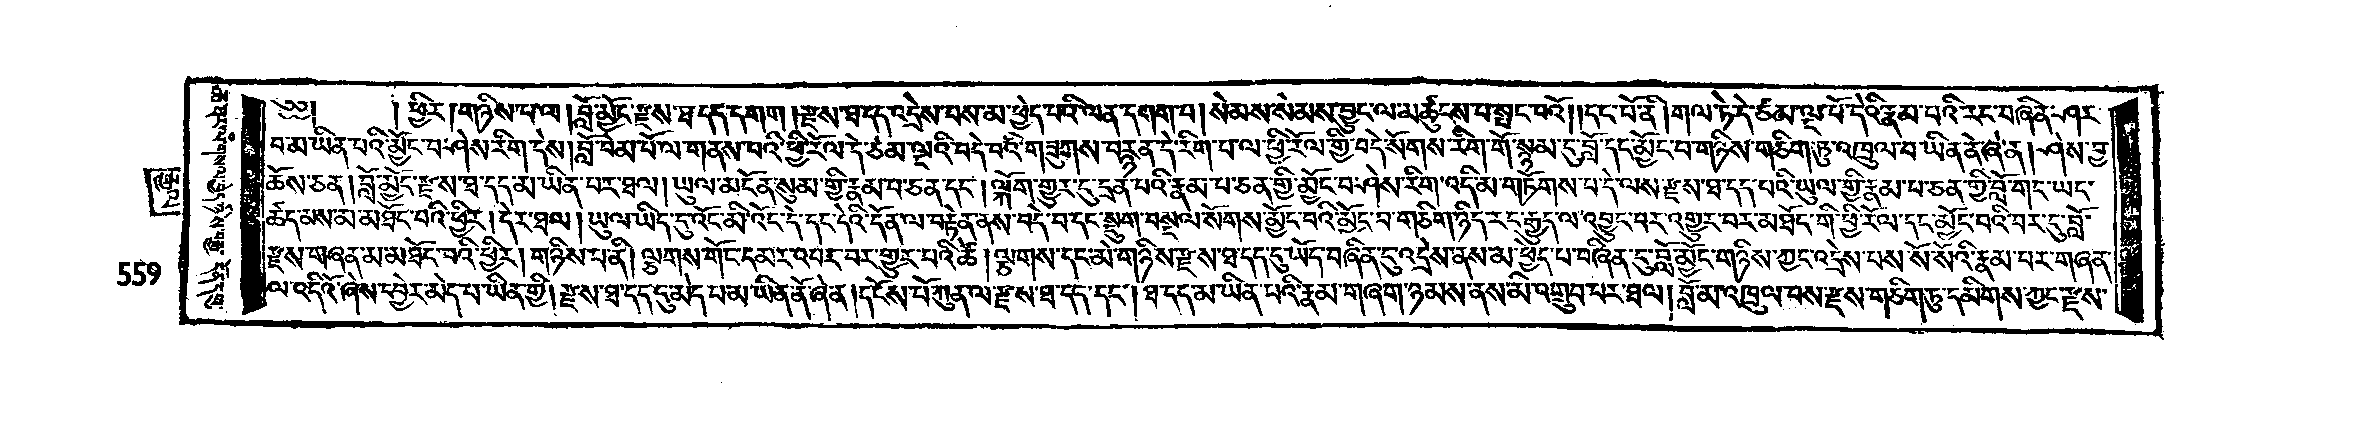༄༅། །ཕྱིར། གཉིས་པ་ལ། བློ་མྱོད་རྫས་ཐ་དད་དགག། རྫས་ཐ་དད་འདྲེས་པས་མ་ཕྱེད་པའི་ལན་དགག་པ། སེམས་སེམས་བྱུང་ལ་མཚུངས་པ་སྤང་བའོ། །དང་པོ་ནི། གལ་ཏེ་དེ་ཙམ་ལྔ་པོ་དེའི་རྣམ་པའི་རང་བཞིན་ཤར་
བ་མ་ཡིན་པའི་མྱོང་བ་ཤེས་རིག་དེས། བློ་བེམ་པོ་ལ་གནས་པའི་ཕྱིར་རོལ་དེ་ཙམ་ལྔའི་བདེ་བའི་གཟུགས་བརྙན་དེ་རིག་པ་ལ་ཕྱི་རོལ་གྱི་བདེ་སོགས་རིག་གོ་སྙམ་དུ་བློ་དང་མྱོང་བ་གཉིས་གཅིག་ཏུ་འཁྲུལ་བ་ཡིན་ནེ་ཞེ་ན། ཤེས་བྱ་
ཆོས་ཅན། བློ་མྱོང་རྫས་ཐ་དད་མ་ཡིན་པར་ཐལ། ཡུལ་མངོན་སུམ་གྱི་རྣམ་པ་ཅན་དང་། ལྐོག་གྱུར་དུ་དྲན་པའི་རྣམ་པ་ཅན་གྱི་མྱོང་བ་ཤེས་རིག་འདི་མ་གཏོགས་པ་དེ་ལས་རྫས་ཐ་དད་པའི་ཡུལ་གྱི་རྣམ་པ་ཅན་གྱི་བློ་གང་ཡང་
ཚད་མས་མ་མཐོང་བའི་ཕྱིར། དེར་ཐལ། ཡུལ་ཡིད་དུ་འོང་མི་འོང་དེ་དང་དེའི་དོན་ལ་བརྟེན་ནས་བདེ་བ་དང་སྡུག་བསྔལ་སོགས་མྱོང་བའི་མྱོང་བ་གཅིག་ཉིད་རང་རྒྱུད་ལ་འབྱུང་བར་འགྱུར་བར་མཐོང་གི་ཕྱི་རོལ་དང་མྱོང་བའི་བར་དུ་བློ་
རྫས་གཞན་མ་མཐོང་བའི་ཕྱིར། གཉིས་པ་ནི། ལྕགས་གོང་དམར་འབར་བར་གྱུར་པའི་ཚེ། ལྕགས་དང་མེ་གཉིས་རྫས་ཐ་དད་དུ་ཡོད་བཞིན་དུ་འདྲེས་ནས་མ་ཕྱེད་པ་བཞིན་དུ་བློ་མྱོང་གཉིས་ཀྱང་འདྲེས་པས་སོ་སོའི་རྣམ་པར་གཞན་
ལ་འདིའོ་ཞེས་དབྱེར་མེད་པ་ཡིན་གྱི། རྫས་ཐ་དད་དུ་མེད་པ་མ་ཡིན་ནོ་ཞེ་ན། དངོས་པོ་ཀུན་ལ་རྫས་ཐ་དད་དང་། ཐ་དད་མ་ཡིན་པའི་རྣམ་གཞག་ཉམས་ནས་མི་འགྲུབ་པར་ཐལ། བློ་མ་འཁྲུལ་བས་རྫས་གཅིག་ཏུ་དམིགས་ཀྱང་རྫས་